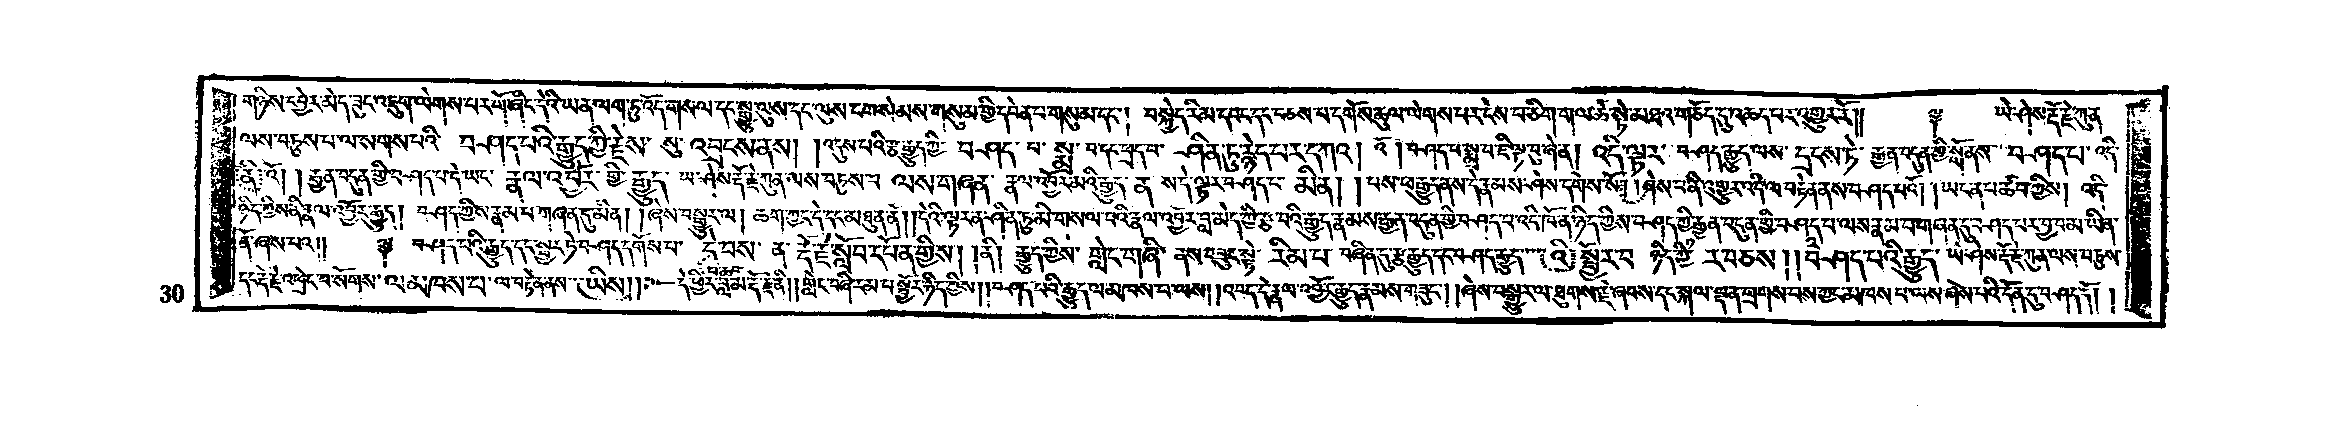གཉིས་དབྱེར་མེད་ཟུང་འཇུག་ལེགས་པར་གོ་ཞིང་དེའི་ཡན་ལག་ཏུ་འོད་གསལ་དང་སྒྱུ་ལུས་དང་ལུས་ངག་སེམས་གསུམ་གྱི་དབེན་པ་གསུམ་དང་། བསྐྱེད་རིམ་དབང་དང་བཅས་པ་དགོས་ཚུལ་ལེགས་པར་ངེས་པ་ཅིག་གལ་ཆེ་སྟེ་མཐའ་གཅོད་དུ་འཆད་པར་འགྱུར་རོ།། ༈ ཡེ་ཤེས་རྡོ་རྗེ་ཀུན་
ལས་བཏུས་པ་ལ་སོགས་པའི་བཤད་པའི་རྒྱུད་ཀྱི་རྗེས་སུ་འབྲངས་ནས། ། འདུས་པའི་རྩ་རྒྱུད་ཀྱི་བཤད་པ་སྨྲ་བ་དང་ཕྲད་པ་ཤིན་ཏུ་རྙེད་པར་དཀའ། འོ་། བཤད་པ་སྨྲ་བ་ཇི་ལྟ་བུ་ཞེན།  འདི་ལྟར་བཤད་རྒྱུད་ལས་དྲངས་ཏེ་རྒྱན་བདུན་གྱི་སྒོ་ནས་བཤད་པ་འདི
ནིའོ། །རྒྱན་བདུན་གྱི་བཤད་པ་དེ་ཡང་རྣལ་འབྱོར་གྱི་རྒྱུད་ཡ་ཤེས་རྡོ་རྗེ་ཀུན་ལས་བཏུས་པ་ལས་གཞན་རྣལ་འབྱོར་མའི་རྒྱུད་ནས་དེ་ལྟར་བཤད་པ་མིན། །པས་ཕ་རྒྱུད་ནས་དེ་རྣམས་ཤེས་དགོས་སོ། །ཞེས་པ་ནི་འགྱུར་འདི་ལ་བརྟེན་ནས་བཤད་པའོ། །ཡང་ན་པ་ཚབ་ཀྱིས། འདི་
ཉིད་ཀྱིས་ནི་རྣལ་འབྱོར་རྒྱུད། བཤད་ཀྱིས་རྣམ་པ་གཞན་དུ་མིན། །ཞེས་བསྒྱུར་ལ། ཆག་ཀྱང་དེ་དང་མཐུན་ནོ། །དེའི་ལྟར་ན་ཤིན་ཏུ་མི་གསལ་བའི་རྣལ་འབྱོར་བླ་མེད་ཀྱི་རྩ་བའི་རྒྱུད་རྣམས་རྒྱན་བདུན་གྱི་བཤད་པ་འདི་ཁོ་ན་ཉིད་ཀྱིས་བཤད་ཀྱི་རྒྱན་བདུན་གྱི་བཤད་པ་ལས་རྣམ་པ་གཞན་དུ་བཤད་པར་བྱ་བ་མ་ཡིན་
ནོ་ཞེས་པའི།། ༈ བཤད་པའི་རྒྱུད་དང་སྦྱར་ཏེ་བཤད་དགོས་པ་དེ་བས་ན་རྡོ་རྗེ་སློབ་དཔོན་གྱིས། ། ནི། རྒྱུད་ཀྱིས་གླེང་གཞི་ནས་བཟུང་སྟེ་རིམ་པ་བཞིན་དུ་རྩ་རྒྱུད་དང་བཤད་རྒྱུད་འི་སྦྱོར་བ་ཉིད་ཀྱི་༡་ར་བཅས། །༢་བཤད་པའི་རྒྱུད་ཡེ་ཤེས་རྡོ་རྗེ་ཀུན་ལས་བཏུས་
དང་རྡོ་རྗེ་འཕྲེང་བ་སོགས་ལ་མཁས་པ་ལ་བརྟེན་ནས་ཡིས།།H.་དེ་ཕྱིར་པ་ཚབ་བླ་མ་རྡོ་རྗེ་ནི། །གླེང་བཞི་རིམ་པ་སྦྱོར་ཉིད་ཀྱིས། །བཤད་པའི་རྒྱུད་ལ་མཁས་པ་ལས། །འབད་དེ་རྣལ་འབྱོར་རྒྱུད་རྣམས་གཟུང་། །ཞེས་བསྒྱུར་ལ་ཐུགས་རྗེ་ཞབས་དང་སྐལ་ལྡན་གྲགས་པས་ཀྱང་མཁས་པ་ལས་ཞེས་པའི་དོན་དུ་བཤད་དོ། །